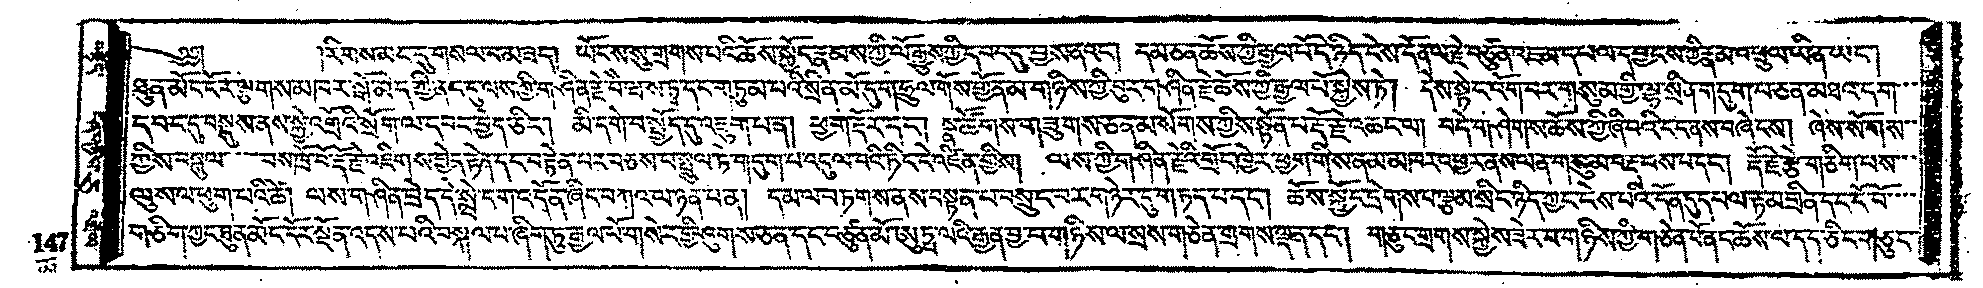༄༅། །རིགས་མང་དུ་གསལ་བ་མ་ཟད། ཡོངས་སུ་གྲགས་པའི་ཆོས་སྐྱོང་རྣམས་ཀྱི་ལོ་རྒྱུས་ཀྱི་དབང་དུ་བྱས་ནའང་། དམ་ཅན་ཆོས་ཀྱི་རྒྱལ་པོ་དེ་ཉིད་ངེས་དོན་ལ་རྗེ་བཙུན་འཇམ་དཔལ་དབྱངས་ཀྱི་རྣམ་འཕྲུལ་ཡིན་ཡང་།
ཐུན་མོང་ངོར་ལྕགས་མཁར་སྒོ་མེད་ཀྱི་ནང་དུ་ལས་ཀྱི་གཤིན་རྗེ་བཻ་ཝ་ས་ཏྭ་དང་གཏུམ་པའི་སྲིན་མོ་དུག་ཧྲུལ་གོས་གྱོན་མ་གཉིས་ཀྱི་བུར་གཤིན་རྗེ་ཆོས་ཀྱི་རྒྱལ་པོ་སྐྱེས་ཏེ། དེས་སྟེང་འོག་བར་གསུམ་གྱི་ལྷ་སྲིན་གདུག་པ་ཅན་མཐའ་དག་
དབང་དུ་བསྡུས་ནས་སྐྱེ་འགྲོའི་སྲོག་ལ་དབང་བྱེད་ཅིང་། མི་དགེ་བ་སྤྱོད་དུ་འཇུག་པ་ན། ཕྱག་རྡོར་དང་། སྣ་ཚོགས་གཟུགས་ཅན་མ་སོགས་ཀྱིས་སྟོན་པ་རྡོ་རྗེ་འཆང་ལ། བདེ་གཤེགས་ཆོས་ཀྱི་ཞི་བའི་ངང་ནས་བཞེངས། ཞེས་སོགས་
ཀྱིས་བསྐུལ་བས་ཁྲོ་བོ་རྡོ་རྗེ་འཇིགས་བྱེད་རྟེན་དང་བརྟེན་པར་བཅས་པ་སྤྲུལ་ཏེ་གདུག་པ་འདུལ་བའི་ཏིང་ངེ་འཛིན་གྱིས། ལས་ཀྱི་གཤིན་རྗེའི་གྲོང་ཁྱེར་ཕྱག་གིས་ནམ་མཁར་འཕྱར་ནས་ལན་གསུམ་བརྡབས་པ་དང་། རྡོ་རྗེ་རྩེ་གཅིག་པས་
ལུས་ལ་ཕུག་པའི་ཚེ། ལས་གཤིན་བྲེད་དེ་སྨྲེ་ངག་འདོན་ཞིང་བཀའ་ལ་ཉན་པ་ན། དམ་ལ་བཏགས་ནས་བསྟན་པ་བསྲུང་བར་གཉེར་དུ་གཏད་པ་དང་། ཆོས་སྐྱོང་དྲེགས་པ་ལྕམ་སྲིང་ཉིད་ཀྱང་ངེས་པའི་དོན་དུ་དཔལ་རྟ་མགྲིན་དང་ངོ་བོ་
གཅིག་ཀྱང་ཐུན་མོང་ངོར་སྔོན་འདས་པའི་བསྐལ་པ་ཞིག་ཏུ་རྒྱལ་པོ་གསེར་གྱི་ཤུགས་ཅན་དང་བཙུན་མོ་ཨུཏྤ་ལའི་རྒྱན་བྱ་བ་གཉིས་ལ་སྲས་གཅེན་གྲགས་ལྡན་དང་། གཅུང་གྲགས་སྐྱེས་ཟེར་བ་གཉིས་ཀྱི་གཅེན་པོ་ནང་ཆོས་ལ་དད་ཅིང་གཅུང་